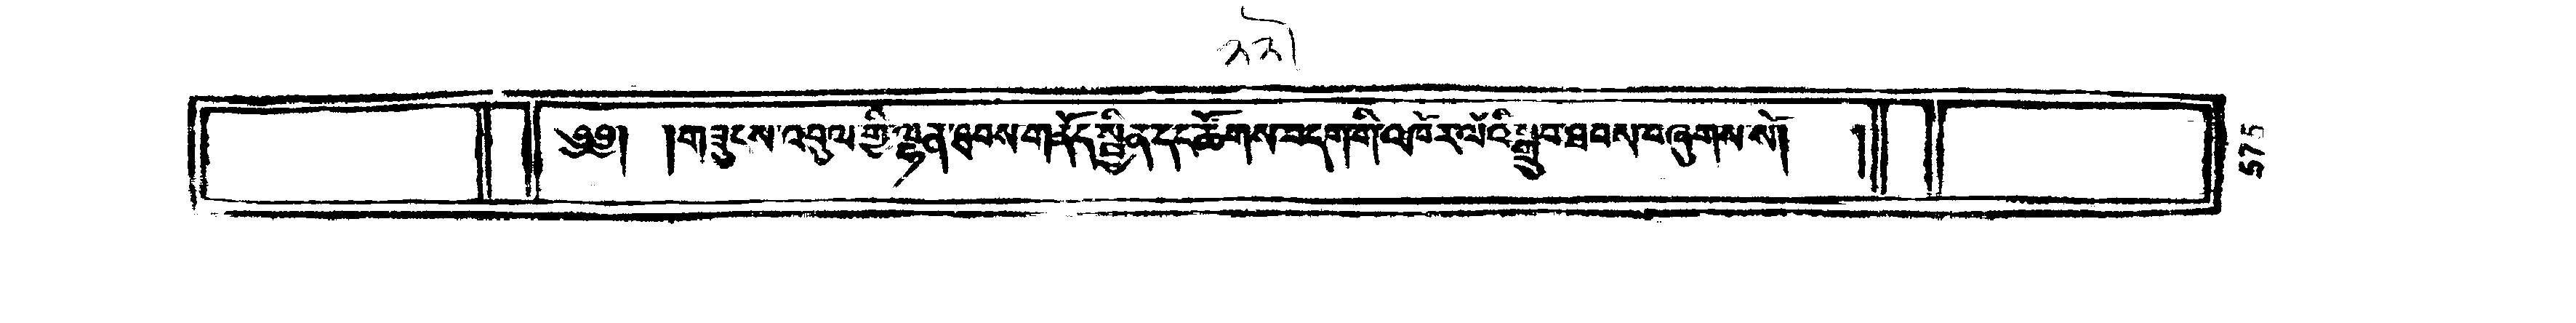༄༅། །གཟུངས་འབུལ་གྱི་ལྷན་ཐབས?་གནོད་སྦྱིན་དང་ཚོགས་བདག་གི་འཁོར་ལོའི་སྒྲུབ་ཐབས་བཞུགས་སོ། །